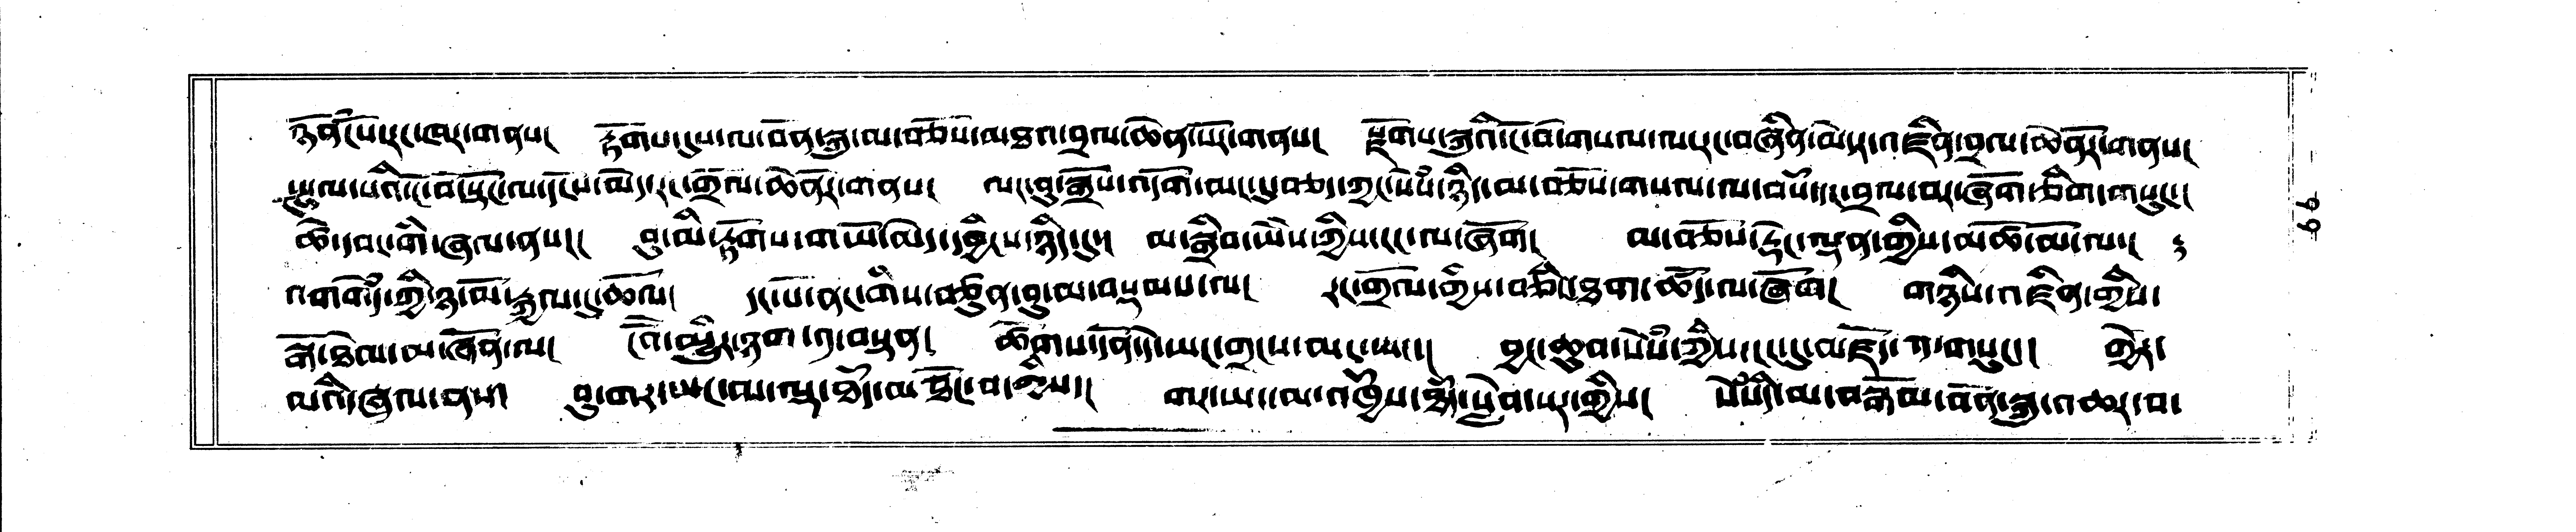ཉོན་མོངས་རང་ཁར་གནས། རྟོགས་དུས་ལ་བོན་སྐུ་མ་བཅོས་མཐའ་བྲལ་ཆེན་པོར་གནས། རྫོགས་སྐུའི་ངོ་བོ་གསལ་ལ་རང་བཞིན་མེད་པར་འཛིན་བྲལ་ཆེན་པོར་གནས། 
སྤྲུལ་པའི་ངོ་བོ་སྟོང་ལ་དངོས་མེད་རང་གྲོལ་ཆེན་པོར་གནས། ལར་བུ་སྒྲོས་འདོག་མང་དུ་བཅད་ཀྱང་སེམས་ཉིད་མ་བཅོས་གསལ་ལ་བསམ་དང་བྲལ་བར་ཞོག་ཅིག་གསུངས། 
ཚེ་དབང་གི་ཞལ་ནས། བུ་མི་རྟོག་གཡོ་མེད་དབྱིངས་ཉིད་དུ། མ་སྒྲིབ་ཡེ་ཤེས་ཀྱིས་ངང་ལ་ཞོག མ་བཅོས་རྡེང་ལྡན་གྱི་མཚོ་མོ་ལ། 
འགག་མེད་ཀྱི་ཉ་མོ་རྐྱལ་དུ་ཆོལ། དང་པོ་ནང་གིས་བཙུན་བུ་མ་བསྡམས་ལ། རང་གྲོལ་གྱིས་བཅིང་ཐག་ཚོད་ལ་ཞོག གཉིས་འཛིན་གྱིས་
སྒོ་ཐེལ་མ་ཞོན་ལ། ངོ་བོ་མི་འགྱུར་ཉག་གཅིག་བསྟན། ཚོགས་དོན་དེ་ཡང་གྲངས་མང་ཡང་། བྱང་ཆུབ་སེམས་ཀྱི་ངང་དུ་མཛོད་ཅིག་གསུངས། གྱེར་
མིའི་ཞལ་ནས། བུ་གར་ཡང་མ་ལྟ་ཐམས་ཅད་མཐོང་བ་གྱིས། གར་ཡང་མ་འཁྱམས་ཐམས་ཅད་སླེབ་པར་གྱིས། སེམས་ཉིད་མ་བསྒོམ་བོན་སྐུ་འཆར་བ་